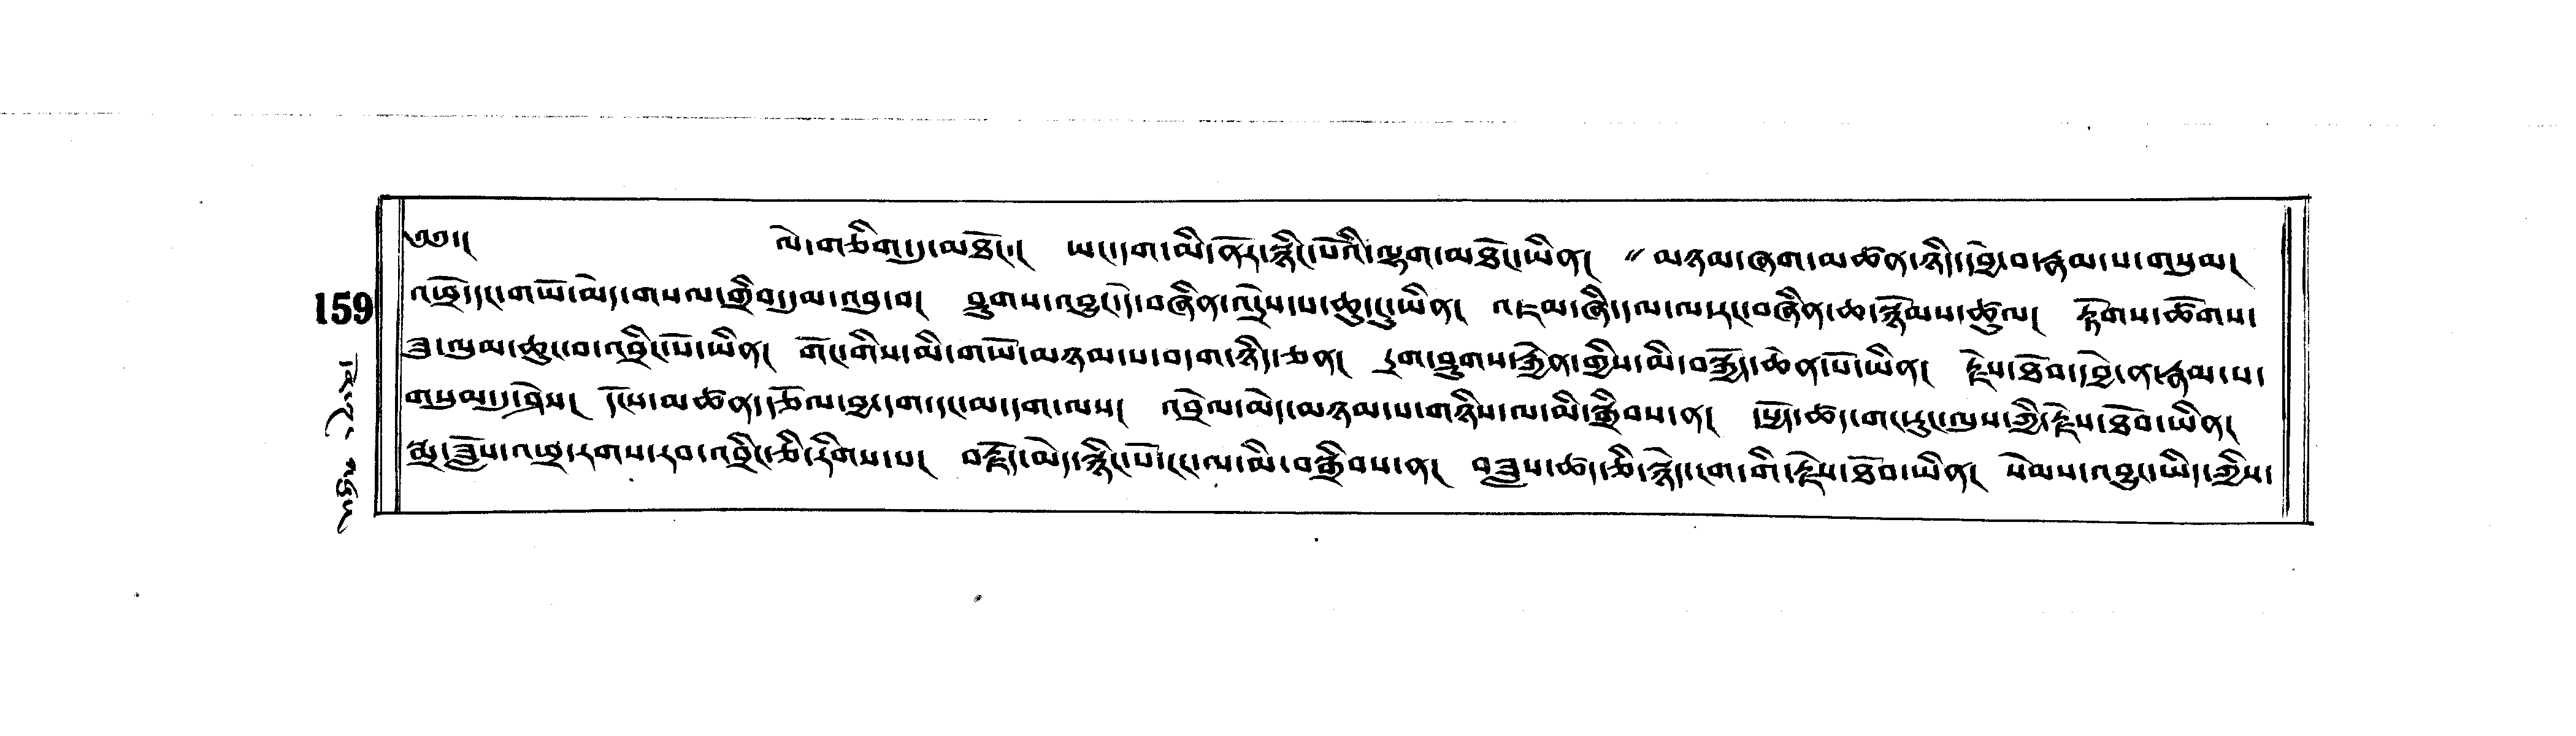ལེ་གཅིག་ཏུ་མཐོང་། ཡང་དག་མི་ནོར་སྙིང་པོའི་ལྷག་མཐོང་ཡིན། ༧ མཉམ་གཞག་མཚན་ཉིད་དབྱེ་བ་རྣམ་པ་གསུམ། 
འཕྲོ་དང་གཡོ་མེད་གསལ་འགྲིབ་དུམ་བུ་བ། ཤུགས་འབྱུང་དེ་བཞིན་འདྲེས་པ་ཆུང་ངུ་ཡིན། འཇམ་ཞིང་དལ་ལ་རང་བཞིན་ཆ་སྙོམས་ཚུལ། རྟོགས་ཚོགས་
གཟུ་ལུམ་ཆུང་བ་འབྲིང་པོ་ཡིན། གོང་གིས་མི་གཡོ་མཉམ་པ་བདག་ཉིད་ཅན། དྲག་ཤུགས་རྐྱེན་གྱིས་མི་བསྐྱོད་ཆེན་པོ་ཡིན། རྗེས་ཐོབ་དབྱེ་ན་རྣམ་པ་
གསུམ་དུ་ཤེས། དངོས་མཚན་རྩོལ་བྱ་དག་དང་མ་དག་ལས། འབྲེལ་མེད་མཉམ་པ་གཉིས་ལ་མི་བསྒྲིབས་ན། དཔྱོད་ཚད་གང་རུང་ལུས་ཀྱི་རྗེས་ཐོབ་ཡིན། 
སྨྲ་ཟློས་འཕྲ་རགས་རབ་འབྲིང་ཅི་རིགས་པ། བརྗོད་མེད་སྙིང་པོ་ངང་ལ་མི་བསྒྲིབས་ན། བཟླས་ཚད་ཅི་སྙེད་ངག་གི་རྗེས་ཐོབ་ཡིན། སེམས་འབྱུང་ཡིད་ཀྱིས་